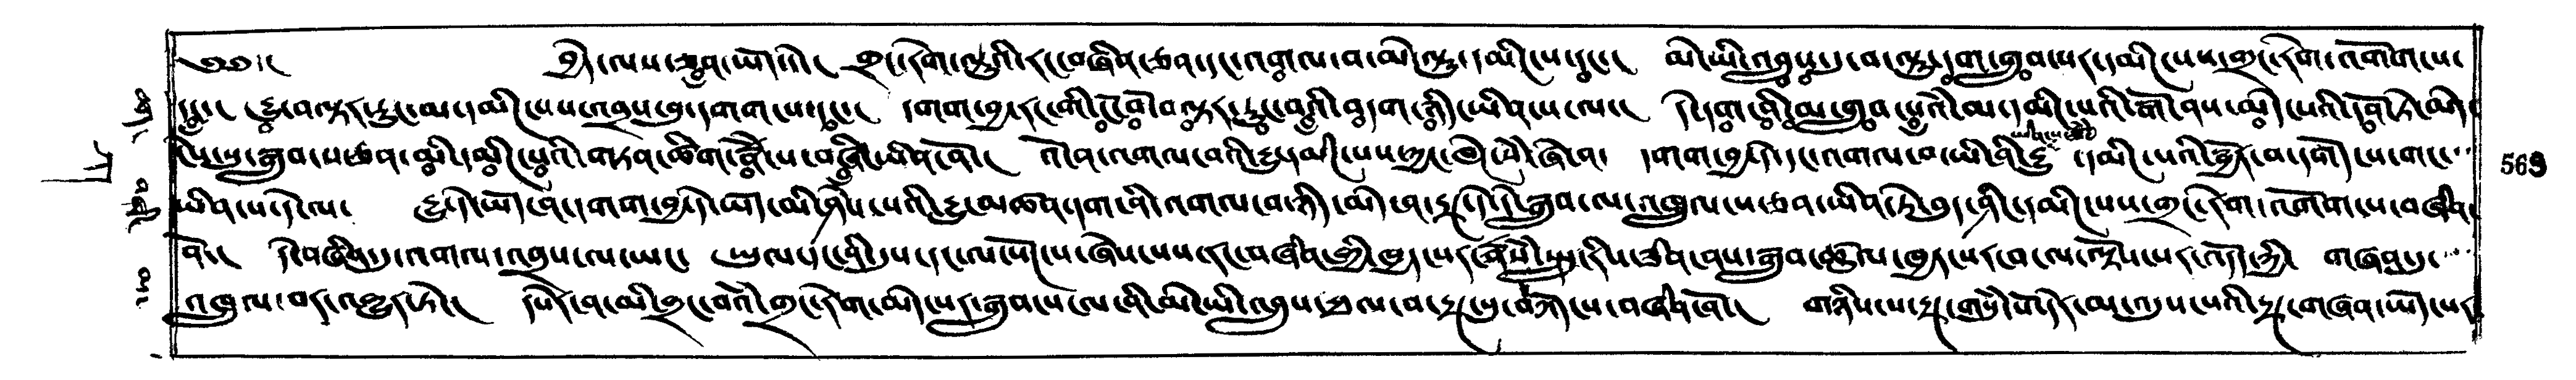བྱེད་ལས་ཅན་ཡོད་དེ། གྲང་རེག་ལྟ་བུའི་རང་བཞིན་ཅན་དག་འགལ་བ་མེ་ལྟ་བུ་དམིགས་པ་དང་། མེའི་འབྲས་བུ་དུ་བ་ལྟ་བུ་དག་གྲུབ་པར་དམིགས་པས་གྲང་རེག་འགོག་པ་
དང་། རྒྱུ་སྣང་རུང་མ་དམིགས་པས་འབྲས་བུ་དགག་པ་དང་།དགག་བྱ་རང་གི་ངོ་བོ་བལྟར་རུང་བའི་བདག་ཉིད་ཡིན་པ་ལ། དེ་དག་ནི་མ་གྲུབ་པའམ་མ་དམིགས་པའི་སྒོ་ནས་མེད་
པའི་དོན་ཏེ་མེད་ངེས་སུ་སྒྲུབ་པ་ཅན་མ་དམིགས་པའི་གཏན་ཚིགས་རྣམ་པ་བཞི་ཡིན་ནོ།། འོ་ན་འགལ་བའི་རྒྱུ་དམིགས་པས་ཀྱང་ཁེགས་སམ་ཞེ་ན། དགག་བྱ་དེ་དང་འགལ་བ་ཡི་ནི་རྒྱུ་ཡིན་པ་ཙམ་དམིགས་པའི་སྦྱོར་བ་དགོད་པ་གང་
ཡིན་པ་དེ་ལ། རྒྱུ་དེ་ཡོད་ན་དགག་བྱ་དེ་ཡོད་མི་ཤེས་པའི་རྒྱུ་མཚན་དག་ནི་འགལ་བ་ཉིད་མེད་ན་རྟགས་དེ་དེ་སྒྲུབ་ལ་འཁྲུལ་པ་ཅན་ཡིན་ཏེ་བུད་ཤིང་དམིགས་པས་གྲང་རེག་འགོག་པ་བཞིན་
ནོ།། དེ་བཞིན་དུ་འགལ་འབྲས་ལ་ཡང་། ཡུལ་དང་ནི་དུས་དང་ལ་སོགས་པ་ཞེས་པས་རང་བཞིན་གྱི་ཁྱད་པར་རྣམས་སྤུ་རིས་ཟིན་ནས་སྒྲུབ་ཚུལ་ཁྱད་པར་བ་ལ་ལྟོས་པར་འདོད་ཀྱི། གཞན་དུ་
འཁྲུལ་བར་འགྱུར་ཏེ། དཔེར་ན་མི་གྲང་བའམ་གྲང་རེག་མེད་པར་སྒྲུབ་པ་ལ་ནི་མེའི་འབྲས་བུ་ཐལ་བ་རྟགས་སུ་བཀོད་པ་བཞིན་ནོ།། གཉིས་པ་རྟགས་གསུམ་པོ་དེར་མ་འདུས་པའི་རྟགས་གཞན་ཡོད་པར་